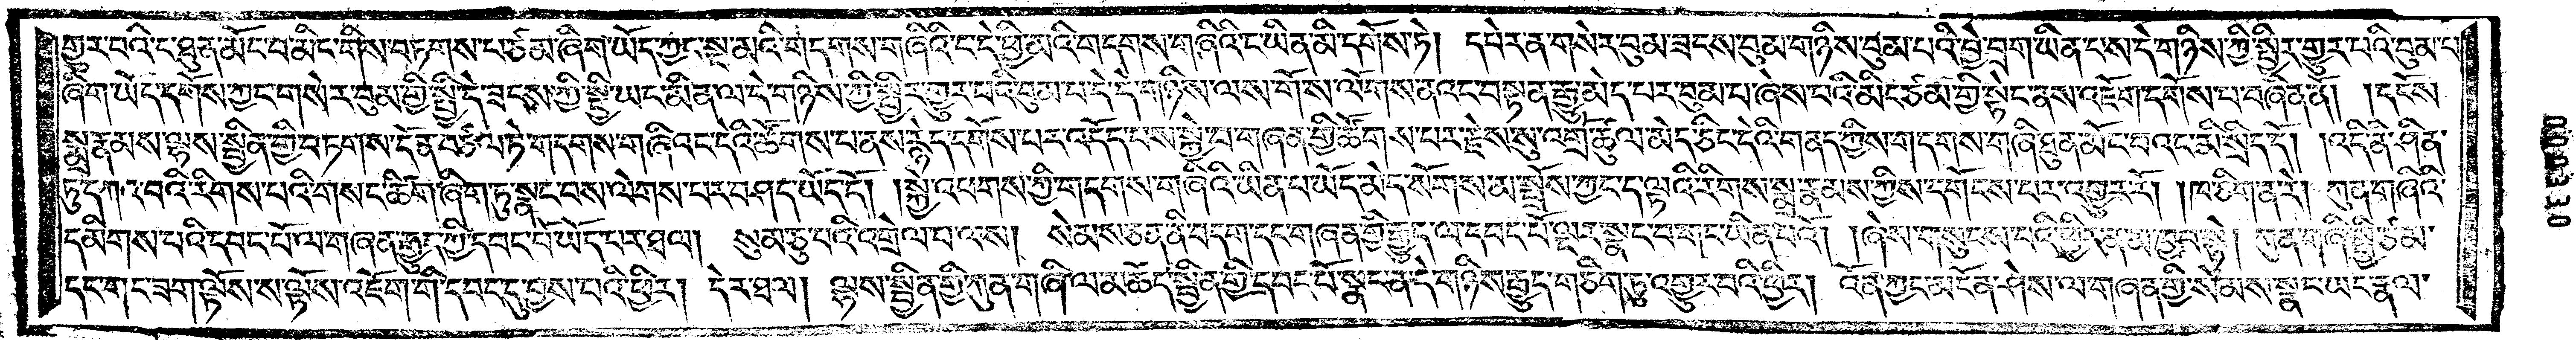གྱུར་པའི་ང་ཐུན་མོང་བ་མིང་གིས་བཏགས་པ་ཙམ་ཞིག་ཡོད་ཀྱང་སྔ་མའི་གདགས་གཞིའི་བདེ་ཕྱི་མའི་གདགས་གཞིའི་ང་ཡིན་མི་དགོས་ཏེ། དཔེར་ན་གསེར་བུམ་ཟངས་བུམ་གཉིས་བུམ་པའི་བྱེ་བྲག་ཡིན་པས་དེ་གཉིས་ཀྱི་སྤྱིར་གྱུར་པའི་བུམ་པ་
ཞིག་ཡོད་དགོས་ཀྱང་གསེར་བུམ?་གྱི་སྤྱི་དེ་ཟངས་ཀྱི་སྤྱི་ཡང་མིན་ལ་དེ་གཉིས་ཀྱི་སྤྱིར་གྱུར་པའི་བུམ་པ་དེ་དེ་གཉིས་ལས་གོས་ལོགས་ནའང་བསྟན?་རྒྱུ་མེད་པར་བུམ་པ་ཞེས་པའི་མིང་ཙམ་གྱི་སྟེང་ནས་འཇོག་དགོས་པ་བཞིན་ནོ། །དངོས་
སྨྲ་རྣམས་ལྷས་སྦྱིན་གྱི་བཏགས་དོན་བཙལ་ཏེ་གདགས་གཞིའང་དེའི་ཚོགས་པ་ནས་རྙེད་དགོས་པར་འདོད་པས་སྐྱེ་བ་གཞན་གྱི་ཚོགས་པར་རྗེས་སུ་འགྲོ་ཚུལ་མེད་ཅིང་དེའི་གནད་ཀྱིས་གདགས་གཞི་ཐུན་མོང་བའང་མི་སྲིད་དོ། །འདི་ནི་ཤིན་
ཏུ་དཀའ་བའི་རིགས་པའི་གསང་ཚིག་ཞིག་ཏུ་སྣང་བས་ལེགས་པར་བཤད་ཡོད་དོ། །སྐྱེ་འཕགས་ཀྱི་གདགས་གཞིའི་ཡིན་པ་ཡོད་མེད་སོགས་མ་སྤྲོས་ཀྱང་ད་ལྟའི་རིགས་སྨྲ་རྣམས་ཀྱིས་དགོངས་པར་འགྱུར་རོ། །ཁ་ཅིག་ན་རེ། ཀུན་གཞིའི་
དམིགས་པའི་དབང་པོ་ལ་གཞན་རྒྱུད་ཀྱི་དབང་པོ་ཡོད་པར་ཐལ། སུམ་ཅུ་པའི་འགྲེལ་པ་ལས། སེམས་ཅན་ནི་བདག་དང་གཞན་གྱི་རྒྱུད་ལ་དབང་པོ་ལྔར་སྣང་བ་གང་ཡིན་པའོ། །ཞེས་གསུངས་པའི་ཕྱིར་ན་མ་ཁྱབ་སྟེ། ཀུན་གཞི་སྤྱི་ཙམ་
དང་གང་ཟག་ལྟོས་ས་ལྟོས་འཇོག་གི་དབང་དུ་བྱས་པའི་ཕྱིར། དེར་ཐལ། ལྷས་སྦྱིན་གྱི་ཀུན་གཞི་ལ་མཆོད་སྦྱིན་གྱི་དབང་པོ་སྣང་ན་དེ་གཉིས་རྒྱུད་གཅིག་ཏུ་འགྱུར་བའི་ཕྱིར། འོན་ཀྱང་མངོན་ཤེས་ལ་གཞན་གྱི་སེམས་སྣང་ཡང་རྣལ༑